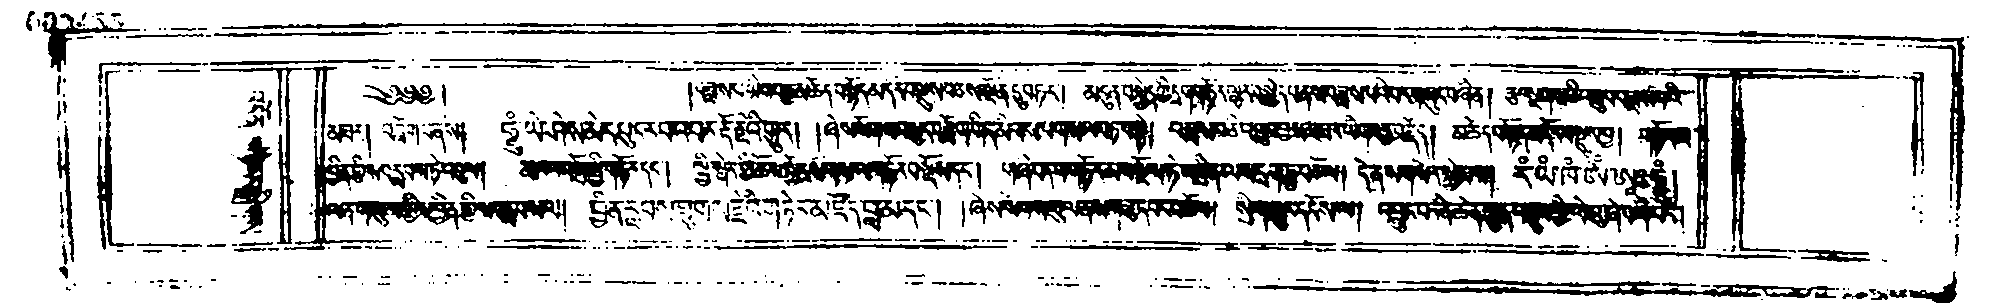༄༅༅། །བཟླས་པ་ཡིག་བརྒྱ་མཆོད་བསྟོད་མདོར་བསྡུས་བཅས་སྔོན་དུ་བཏང་། མདུན་བསྐྱེད་ཀྱི་དྲག་གཏོར་ལྷར་བསྐྱེད་པ་ནས་བཟླས་པའི་བར་གཞུང་བཞིན། རྩ་སྔགས་ཅི་འགྲུབ་བཟླས་པའི་
མཐར། བཟློག་པ་ནས། ཧཱུཾ་ཡེ་ཤེས་མེ་དཔུང་རབ་འབར་རྡོ་རྗེའི་གུར། །ཞེས་སོགས་བསྲུང་བཟློག་གི་དམིགས་པ་གསལ་བཏབ་སྟེ། བཟླས་པ་ཅི་འགྲུབ་བྱས་མཐར་ཡིག་བརྒྱ་བརྗོད། མཆོད་བསྟོད་མདོར་བསྡུས་བྱ། གཏོར་མ་
བྱིན་གྱིས་བརླབས་ཏེ་འབུལ། མཁའ་འགྲོ་སྤྱི་གཏོར་དང་། སྤྱི་སྒེར་གྱི་ཆོས་སྐྱོང་སོགས་ལ་གཏོར་བསྔོས་དང་། གཞི་བདག་གཏོར་མ་བསྔོས་ཏེ་འཕྲིན་ལས་དྲག་ཏུ་བཅོལ། དེ་ནས་གསེར་སྐྱེམས། རཾ་ཡཾ་ཁཾ་ཨོཾ་ཨཱཿ ཧཱུཾ།
ལན་གསུམ་གྱིས་བྱིན་གྱིས་བརླབས་ལ།  བྱིན་རླབས་ཐུགས་རྗེའི་གཏེར་མཛོད་བླ་མ་དང་། །ཞེས་སོགས་ཕུལ་ནས་གཟུ་དབང་བཅོལ། སྲི་གཞུང་དངོས་ལ། འབྱུང་བ་རིན་ཆེན་ཀུན་འདུས་ཀྱི་ལེའུ་ཞེ་བཞི་པར།